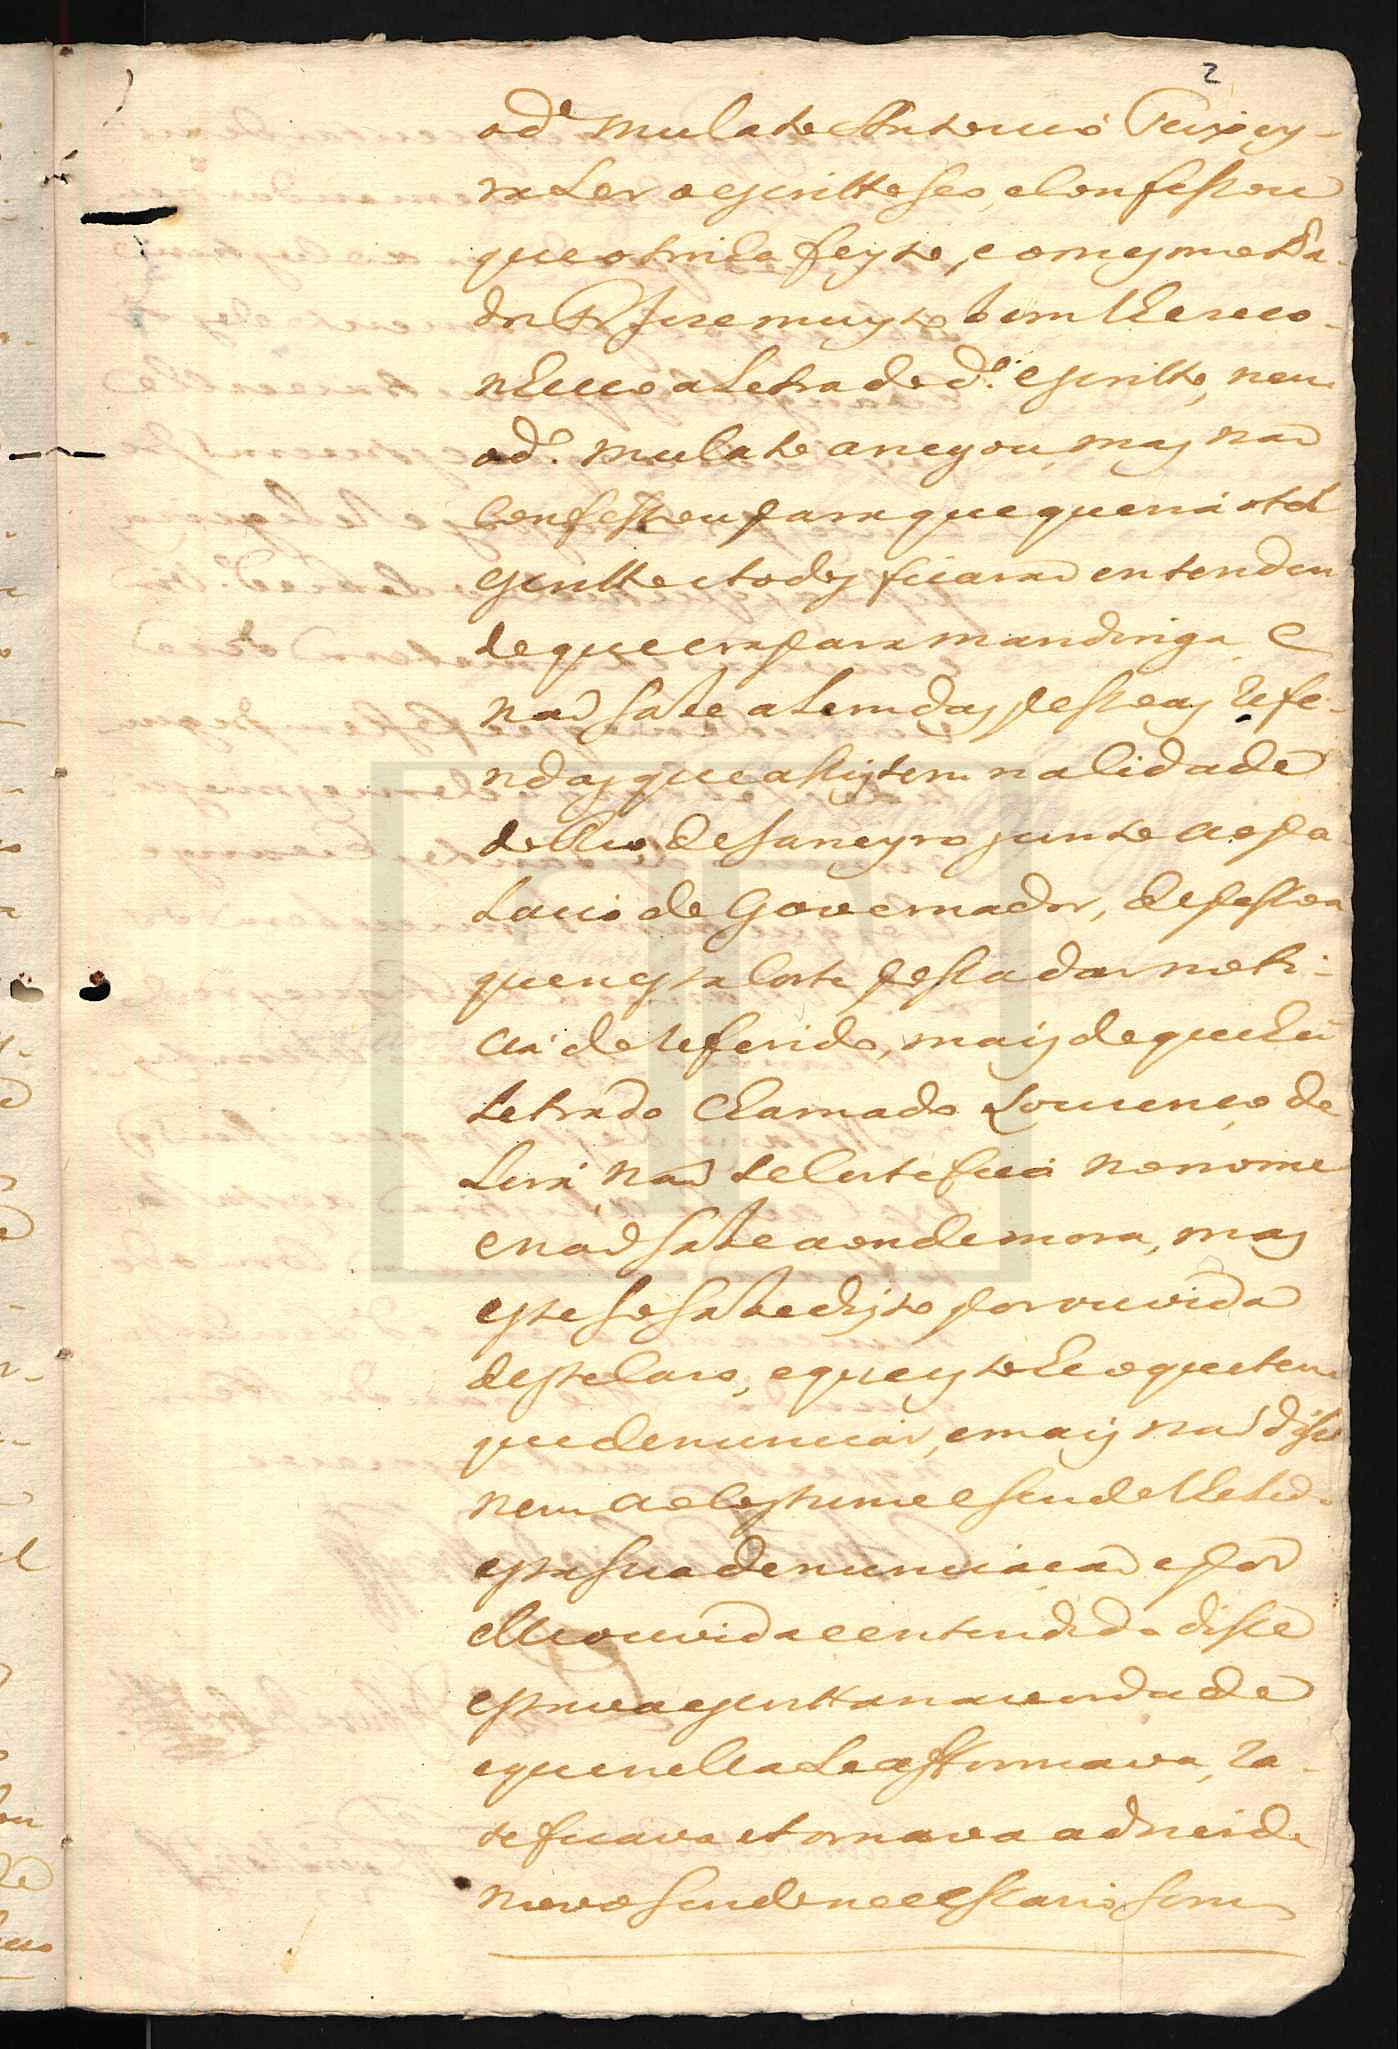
o do mulato Antonio Teixey
ra Ler o escritto seo, e Confessou
que o tinha feyto, e o mesmo Pa
dre Fr Joze muyto bem lhe reco
nheceo a Letra do d.o escritto, nen
o d.o mulato a negou, mas naõ
confessou para que queria o tal
escritto e todos ficaraõ entenden
do que era para mandinga e
naõ sabe alem das pessoas Refe
ridas que assistem na Cidade
do Rio de Janeyro junto ao pa
lacio do Governador, de pessoa
que nesta Corte possa dar noti
cia do Referido, mais do que hū
Letrado chamado Lourenço de
Lirá naõ se Certefica no nome
e naõ sabe aonde mora, mas
este so sabe disto por ouvida
deste cazo, e que isto he o que tem
que denunciar, e mais naõ disse
nem ao costume e sendolhe lido
esta sua denunciaçaõ e por
elle ouvida, e entendida disse
estaua escritta na uerdade
e que nella se affirmava, Ra
teficava e tornava a dizer de
novo sendo necessario sem
